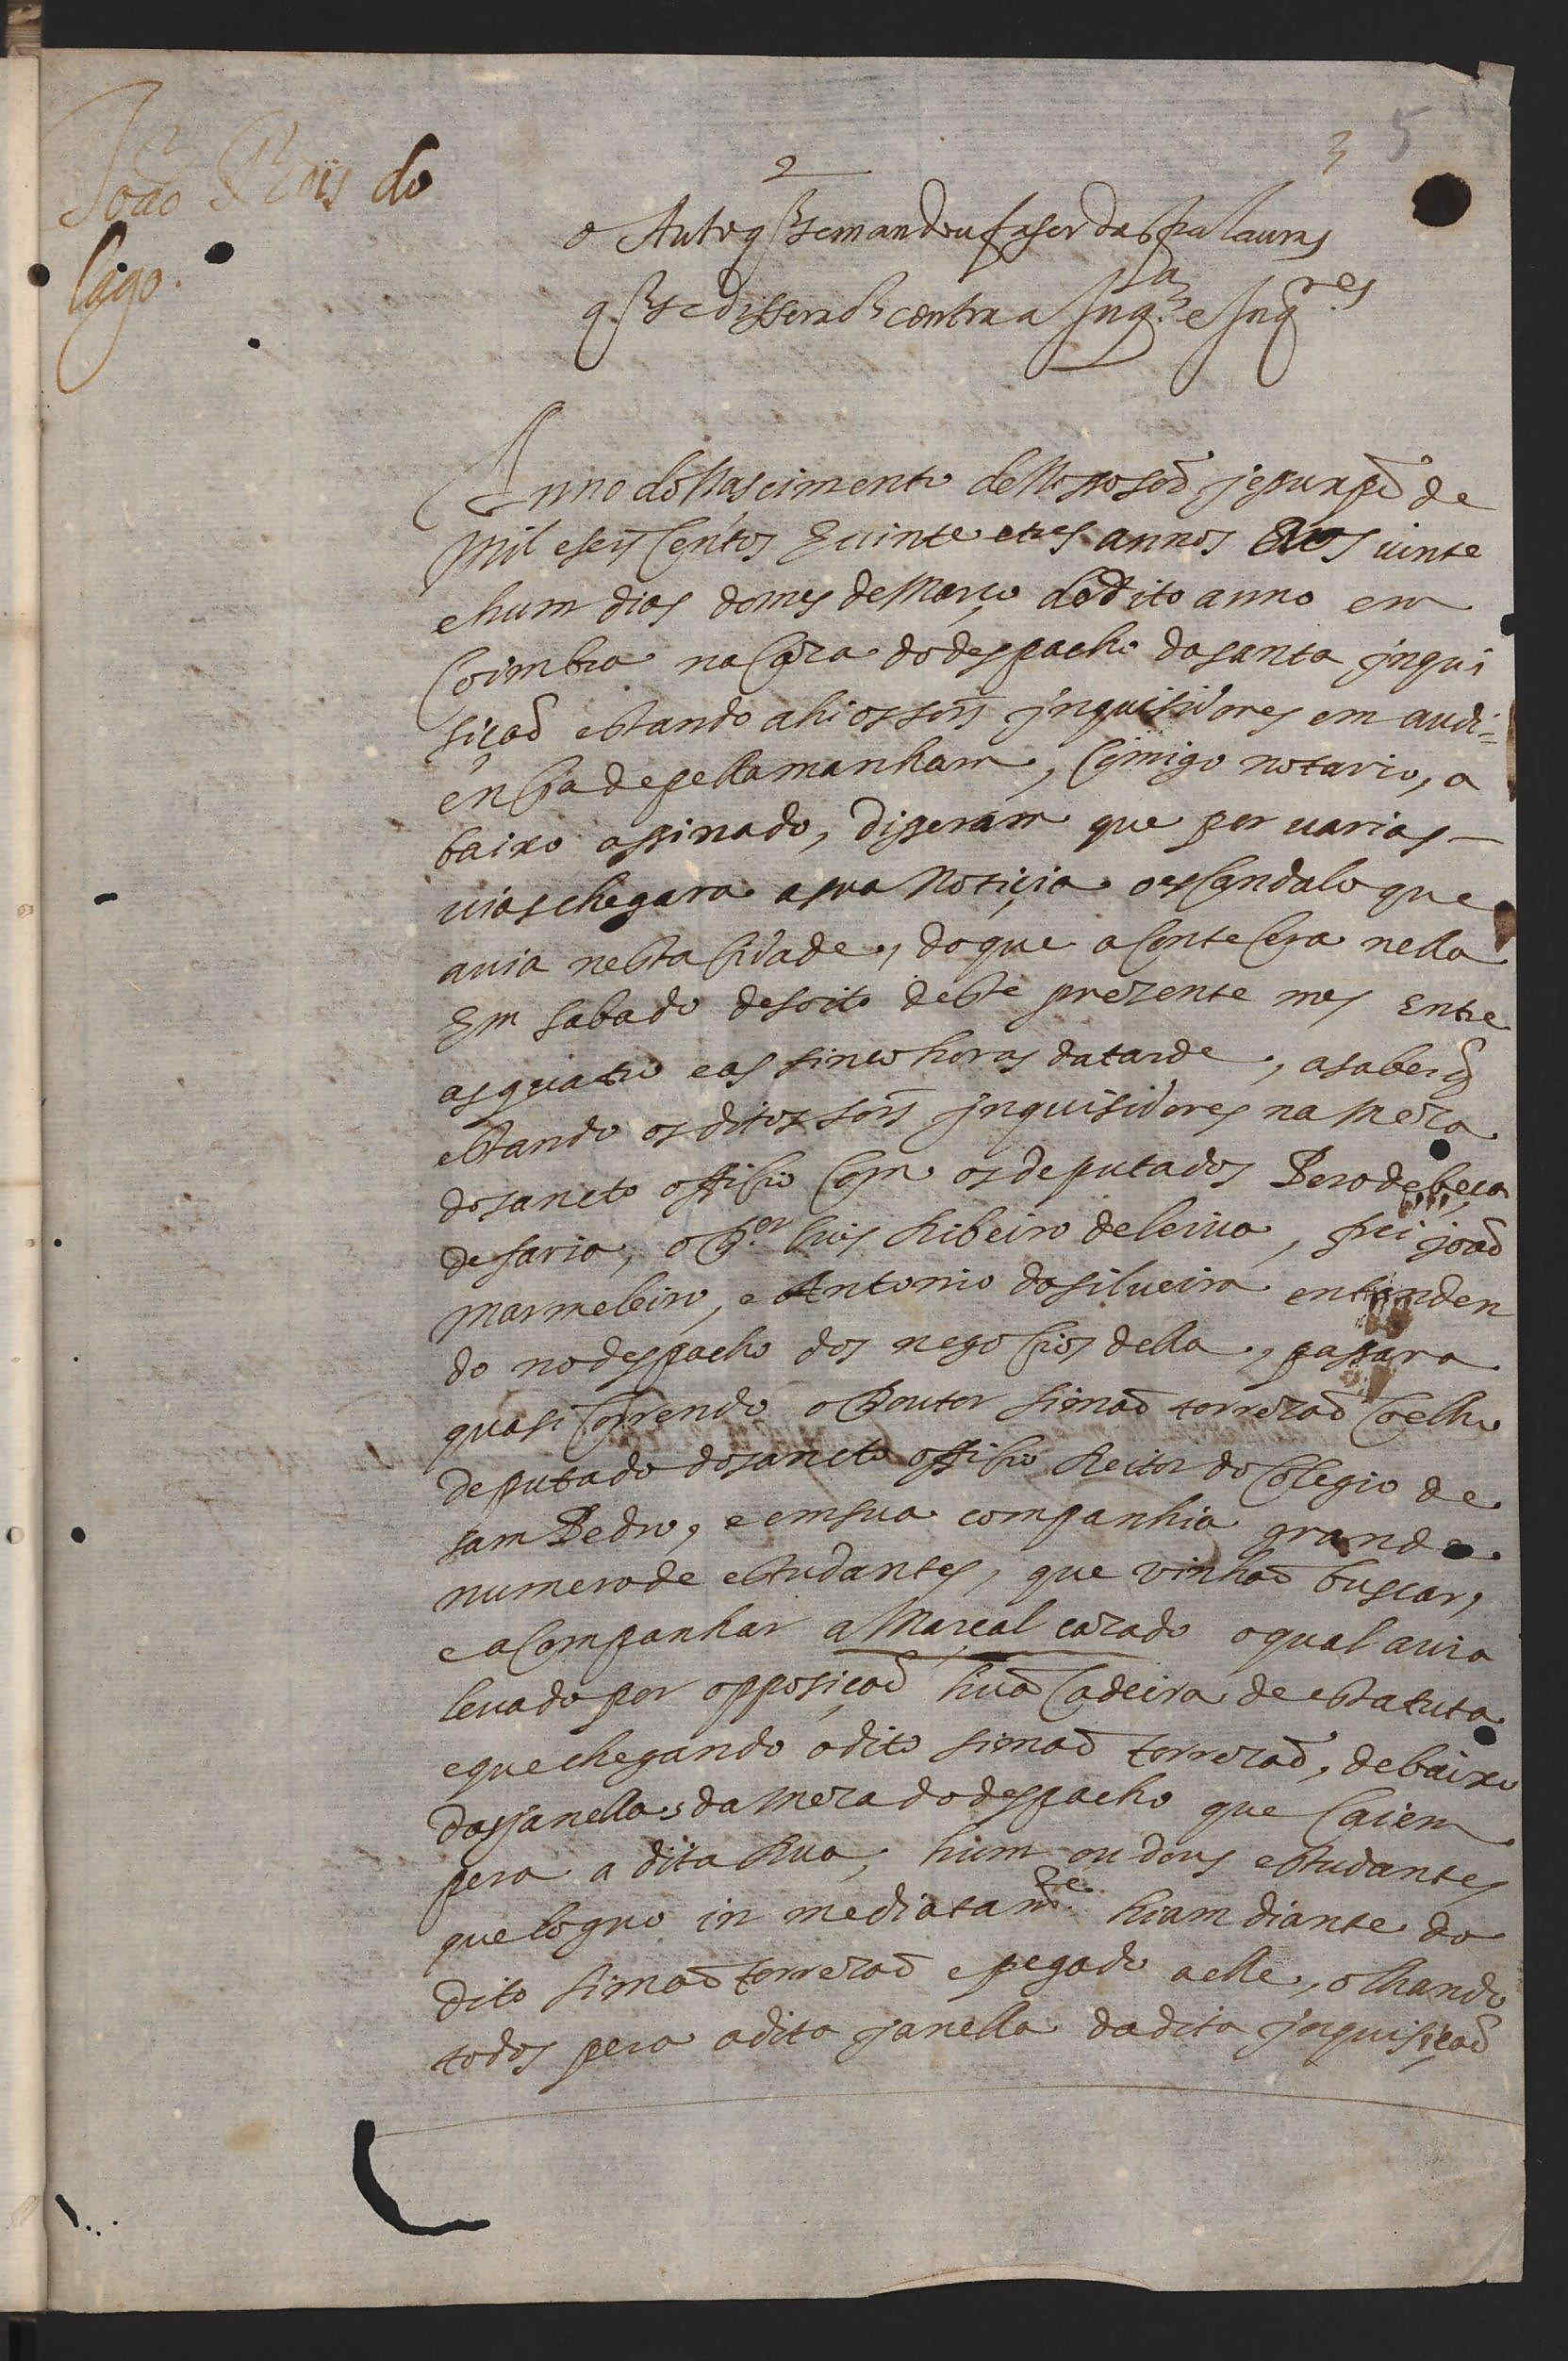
Joaõ Rois do
lago.
2
o Auto q̄ se mandou faser das palauras
q̄ se disseraõ contra a Jnq.aõ e Jnq.res
Anno do nascimento de Nosso sōr Jesu xpō de
mil e seisCentos E uinte e tres annos aos uinte
e hum dias do mes de Março do dito anno em
Coimbra na Caza do despacho da santa jnqui
sição estando ahi os sōrs Jnquisidores em audi
enCia de pella manham, Comigo notario, a
baixo assinado, disseram que por uarias
uias chegara a sua noticia o escandalo que
auia nesta Cidade, do que acontecera nella
Em sabado desoito deste prezente mes entre
as quatro e as sinco horas da tarde, a saber q̄
estando os ditos sōrs Jnquisidores na meza
do sancto officio Com os deputados Pero de beça
de faria, o D.or Luis Ribeiro de leiua, frei Joaõ
Marmeleiro, e Antonio da silueira entenden
do no despacho dos negoCios della, passara
quasi Correndo o Doutor Simão torrezão Coelho
deputado do sancto officio Reitor do Colegio de
sam Pedro, e em sua companhia grande
numero de estudantes, que vinhaõ buscar,
e acompanhar a Marçal cazado o qual auia
leuado per opposição huā Cadeira de estatuto
e que chegando o dito simaõ torrezaõ, de baixo
das janellas da meza do despacho que Caiem
pera a dita Rua, hum ou dous estudantes
que loguo inmediatam.te hiam diante do
dito Simão torrezaõ e pegado a elle, olhando
todos pera a dita janella da dita jnquisiçaõ
